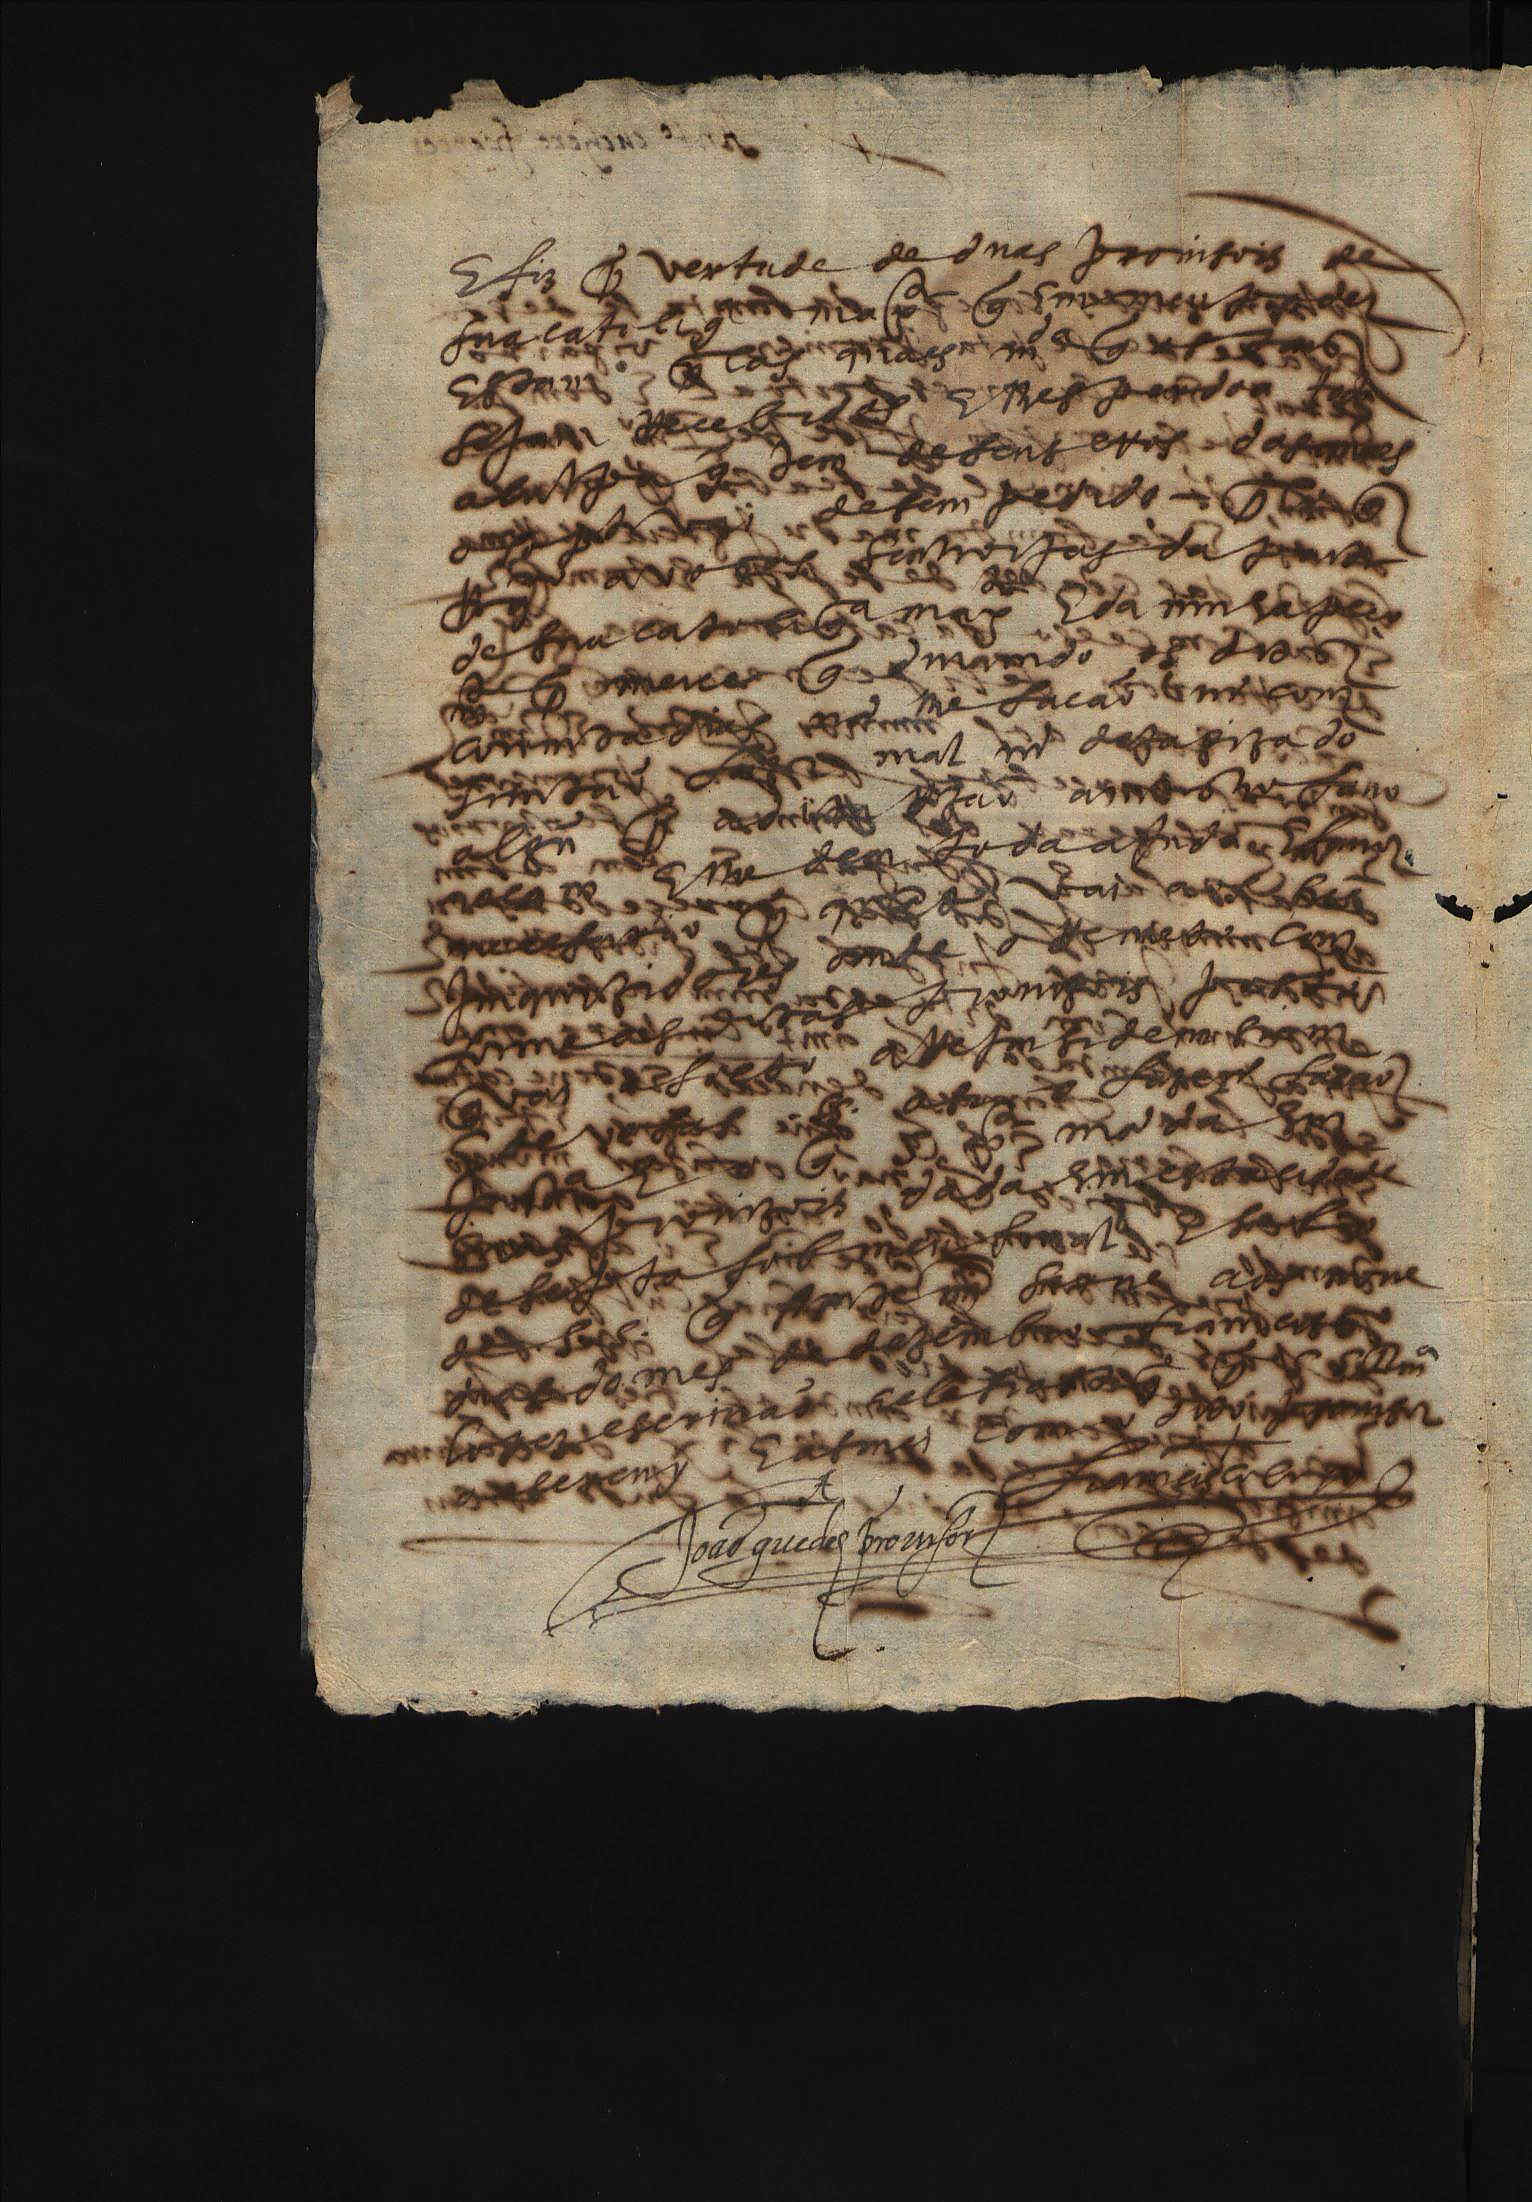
E fiz p̄o vertude de duas prouisois de
sua catoliqa magte q̄ em meu poder
Estam p̄las quaes mda q̄ as tas
sejam Recebidas E Respondam toda
a culpa q̄ tem de seus eRos das maes
o sopte vai desempedido - p̄lo q̄
Reqro a vosas senhorJas da parte
de sua catoliqa magte E da mnha peço
mto p̄ merce q̄ ēuiando os ditos
coremta dias nā me façaõ nē com
simtaõ fazer mal nē desagizado
algū p̄ a dita Rezaõ a mais ho fauo
recese E no tem toda aJuda E tempo
necesario p̄ quāto vai aos sors̄
Jmquizidores omde o Remeto com
forme as ditas de prouisois p_
q̄ vai o facto a ReJmsidemsia _m
E se vosas .ss. asy o fizerē farão
Iusta E o q̄ _ _te māda Em
suas prouisois dada Em esta cidade
de septa sob meu sinal E seLo
de 5_5. q̄ Amto mīz s_ne aos noue
dias do mes de dezembro framcisco
lopes escriuaõ eclesiastiqo p̄ S S Rma
o escreuy E asinei com o dito prouisor
João guedes prouisor
